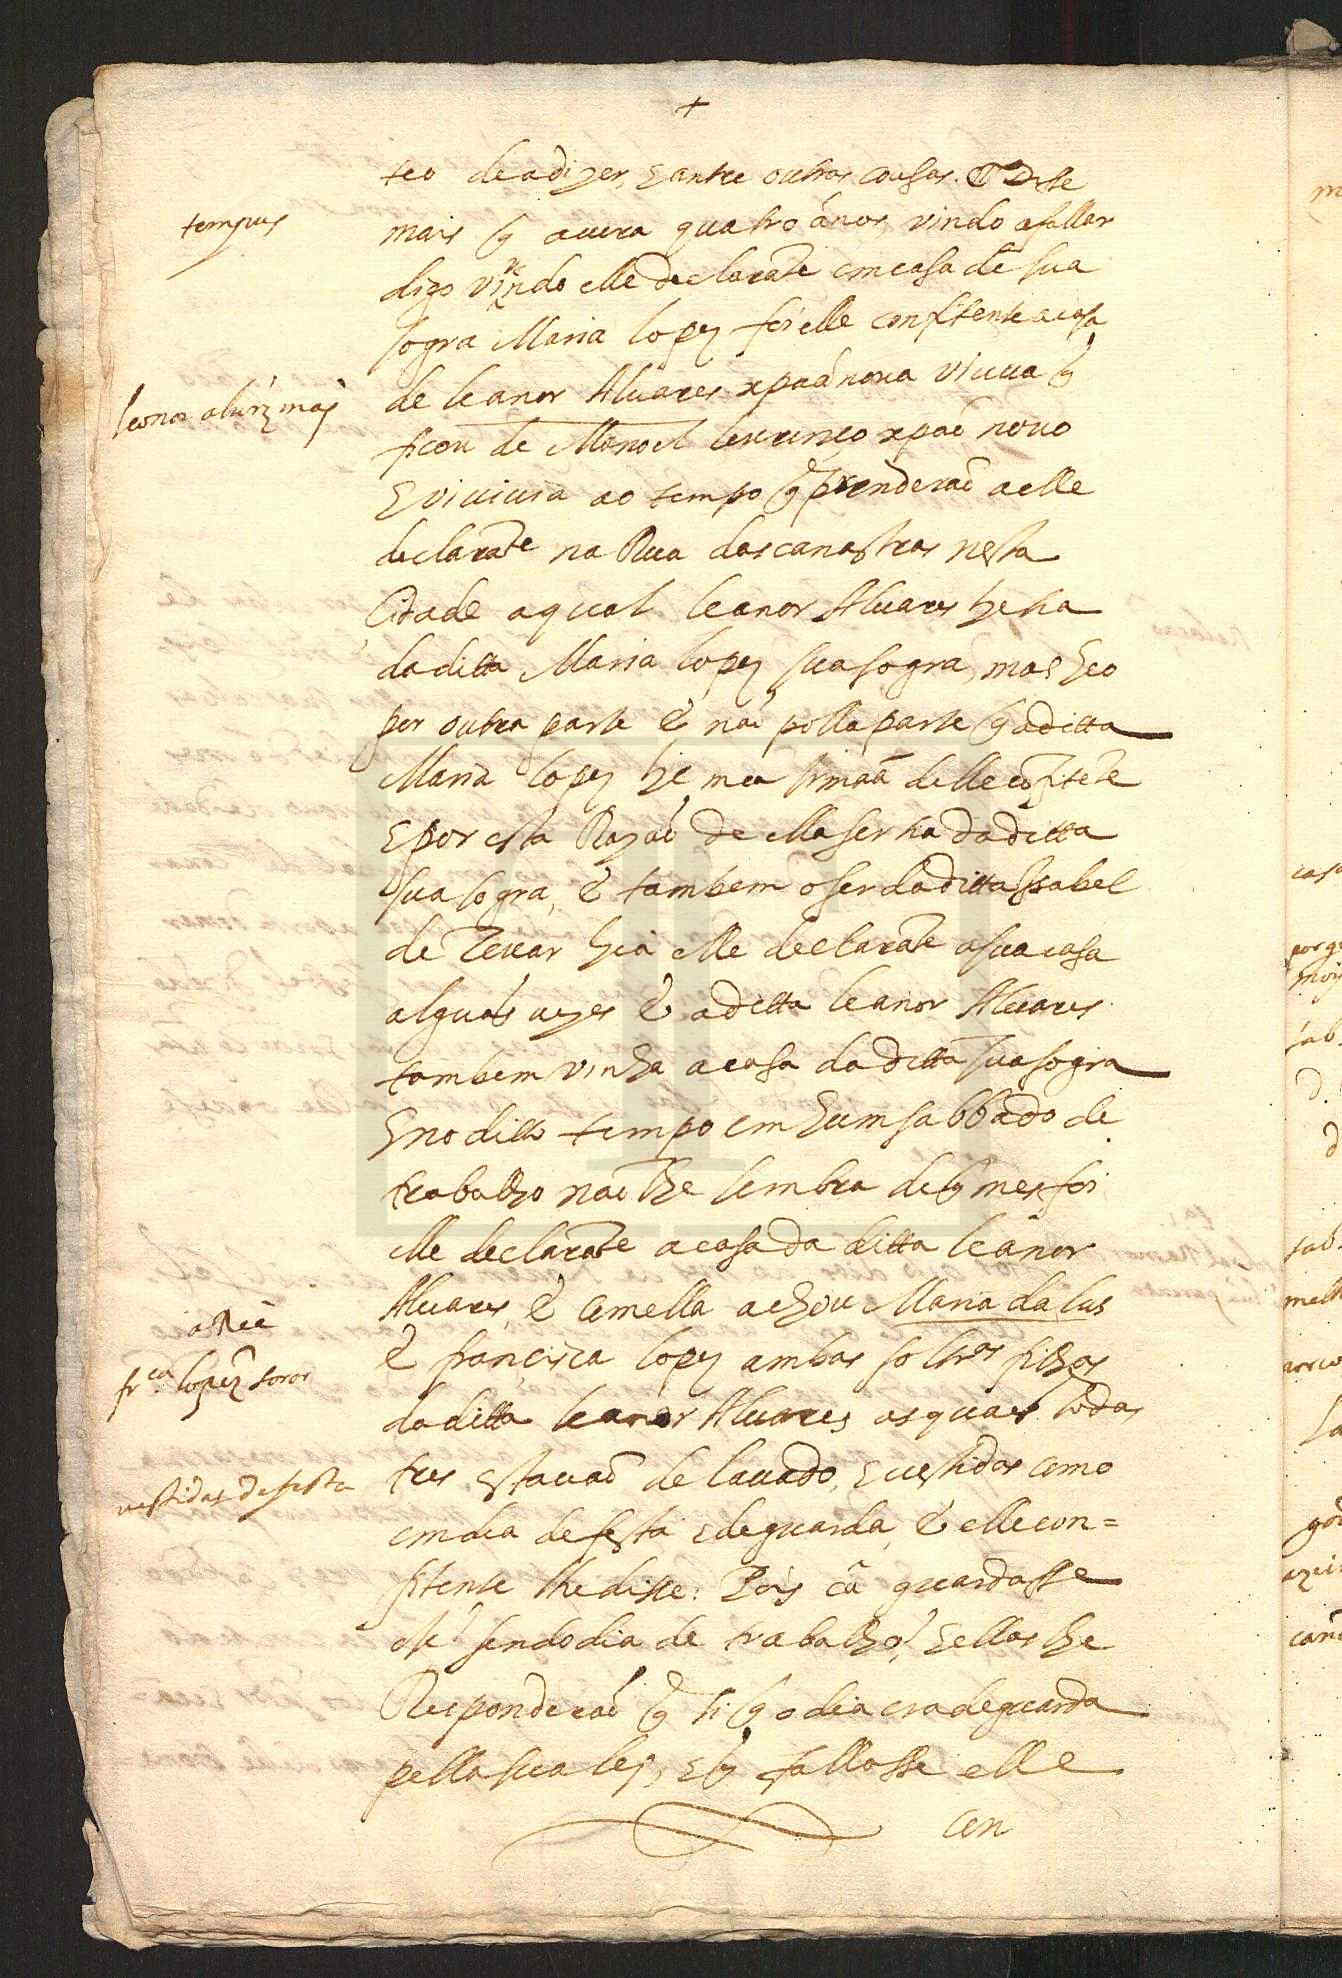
teo de a dizer, E antre outras cousas. ⁋ Disse
mais q̄ auera quatro ānos vindo a fallar
digo vivendo elle declarãte em casa de sua
sogra Maria Lopez foi elle confitente a casa
de Leanor Aluares xpaã noua viuua q̄
ficou de Manoel Lourenço xpaõ nouo
E viuiuia ao tempo q̄ prenderaõ a elle
declarãte na Rua das canastras nesta
Çidade a qual Leanor Aluares heha
da ditta Maria Lopez sua sogra mas heo
por outra parte & naõ polla parte q̄ a ditta
Maria Lopez he mea Jrmaã delle cõfitẽte
E por esta Razaõ de ella ser ha da ditta
sua sogra, & tambem o ser da ditta Jsabel
de Touar hia elle declarãte a sua casa
alguas̄ uezes & a ditta Leanor Aluares
tambem vinha a casa da ditta sua sogra
E no ditto tempo em hum sabbado de
trabalho naõ lhe lembra de q̄ mes foi
elle declarãte a casa da ditta Leanor
Aluares, & com ella achou Maria da Lus
& françisca Lopez ambas soltras filhas
da ditta Leanor Aluares as quaes todas
tres estauaõ de lauado, E uestidas como
em dia de festa E de guarda, & elle con
fitente lhe disse: Pois câ guardasse
oIe? Sendo dia de trabalho? E ellas lhe
Responderaõ q̄ si q̄ o dia era de guarda
pella sua lej, E q̄ fallasse elle
con
